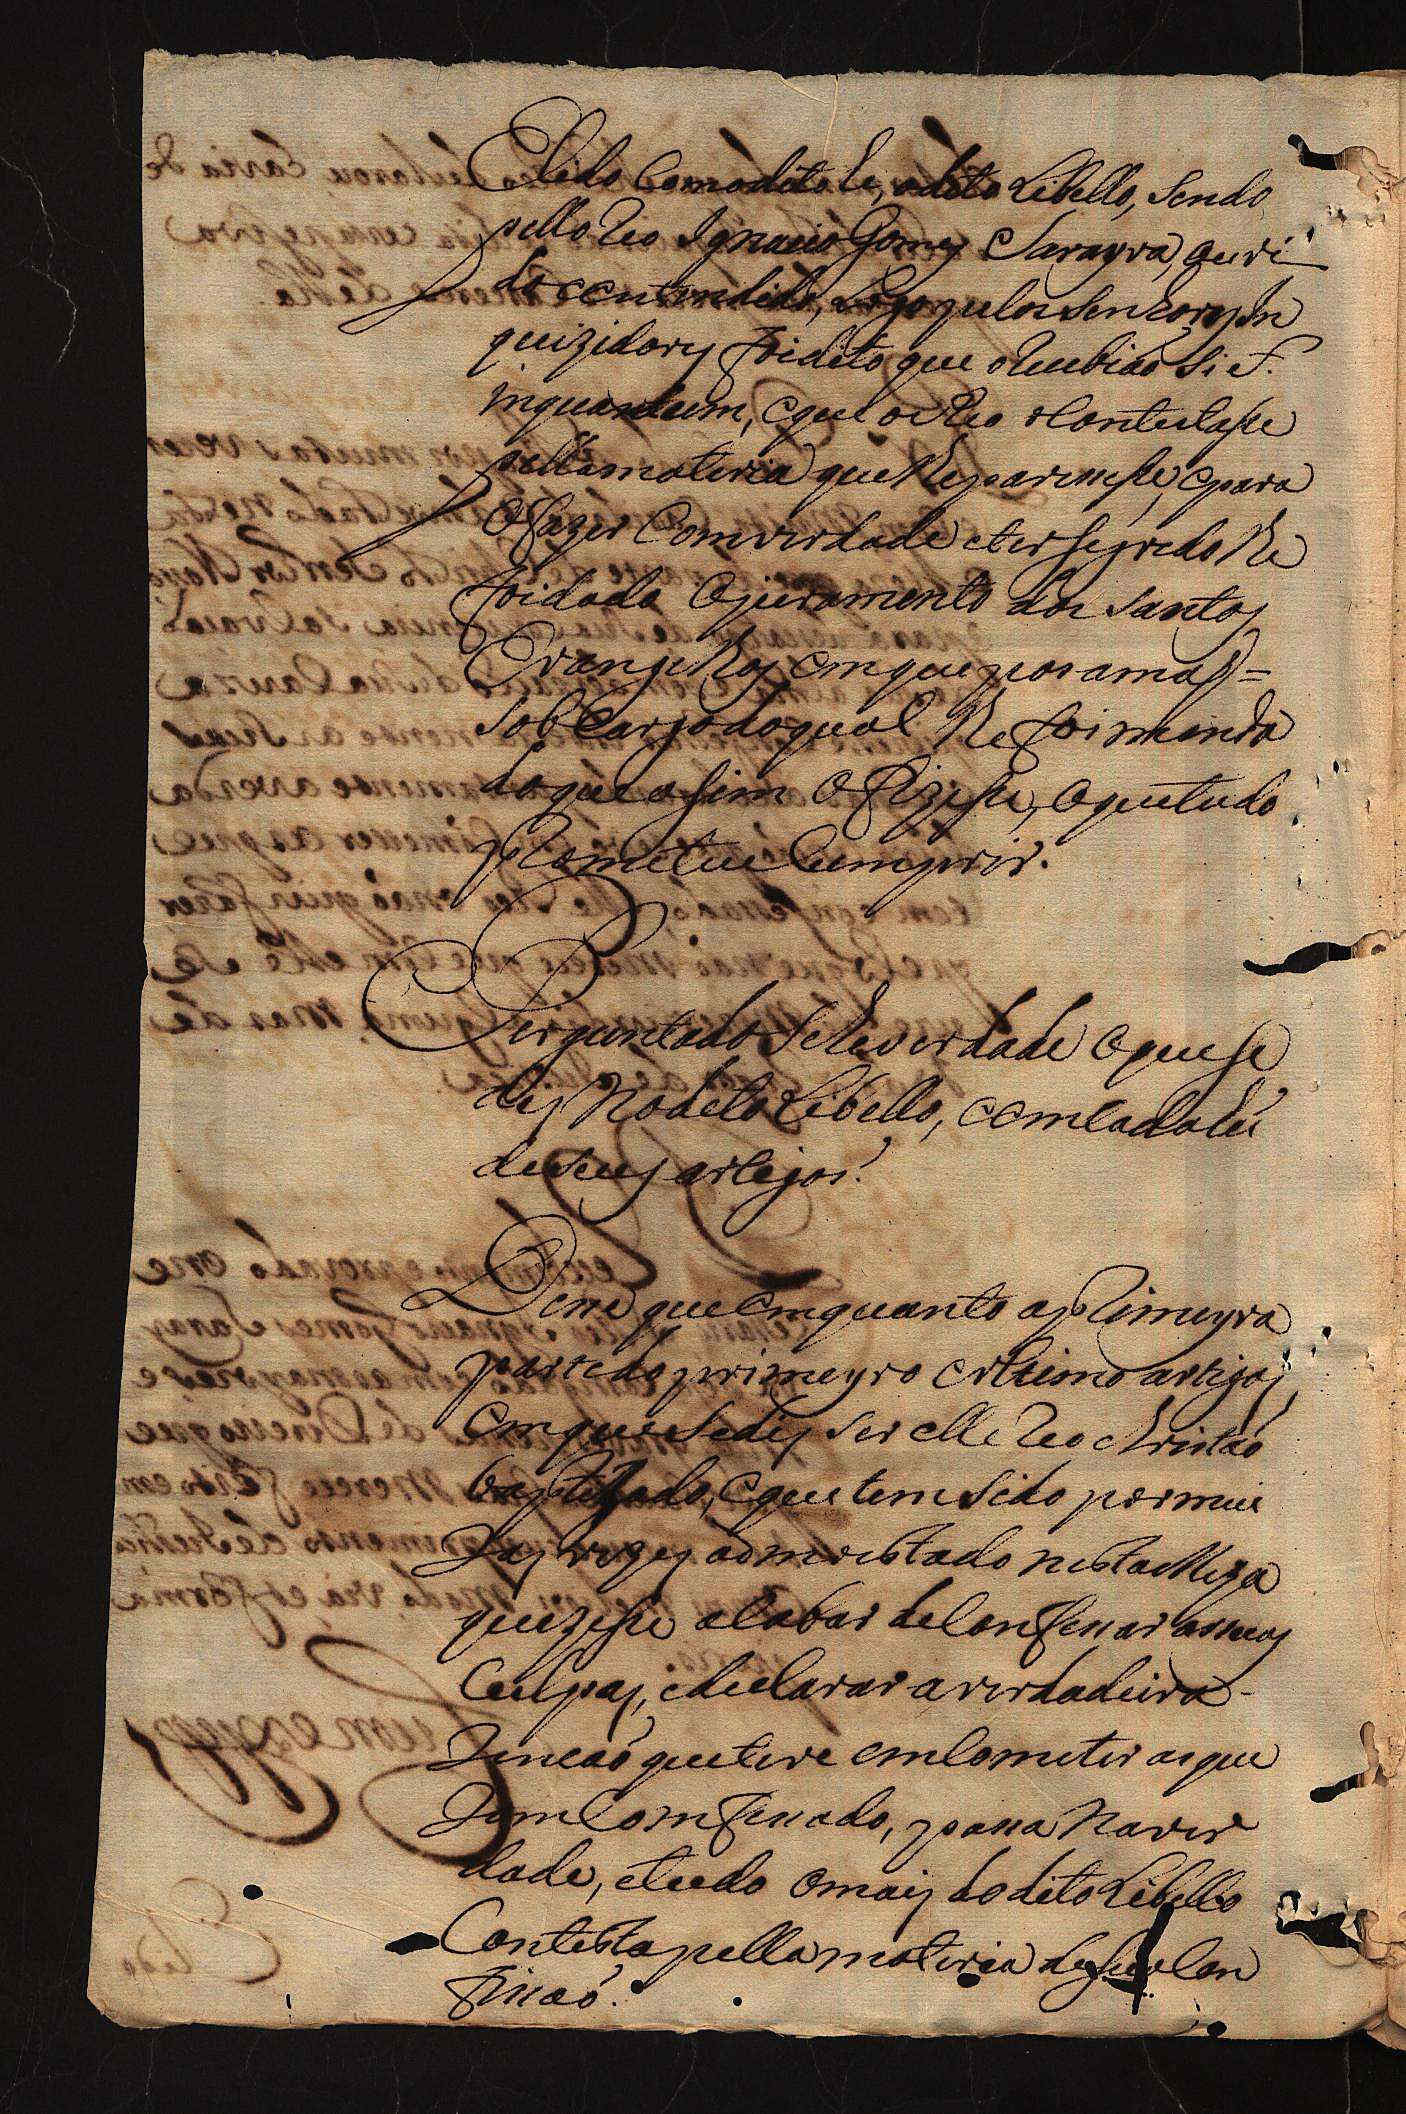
E lido Como dito he, o dito Libello, sendo
pello Reo Ignacio Gomes Sarayva, ouvi
do e entendido, Logo pelos Senhores In
quizidores foi dito que o Recebião si et.
in quantum, e que o Reo o Contestasse
pella materia que lhe paressesse, e para
O fazer Com verdade e ter segredo lhe
foi dado O juramento dos santos
Evangelhos em que pos a maõ
sob cargo do qual lhe foi manda
do que asim o fizesse, o que tudo
pRometeu Cumprir.
Perguntado se he verdade o que se
dis no dito Libello, e em cada hū
de seus artigos?
Disse que emquanto a pRimeyra
parte do primeyro e vltimo artigos
em que se dis ser elle Reo christaõ
baptizado, E que tem sido por mui
tas vezes admoestado nesta Meza
quizesse acabar de Confessar as suas
Culpas, e declarar a verdadeira
tençaõ que teve em cometer as que
tem Comfessado, passa na ver
dade, e tudo o mais do dito Libello
Contesta pella materia de sua Con
fissaõ.
